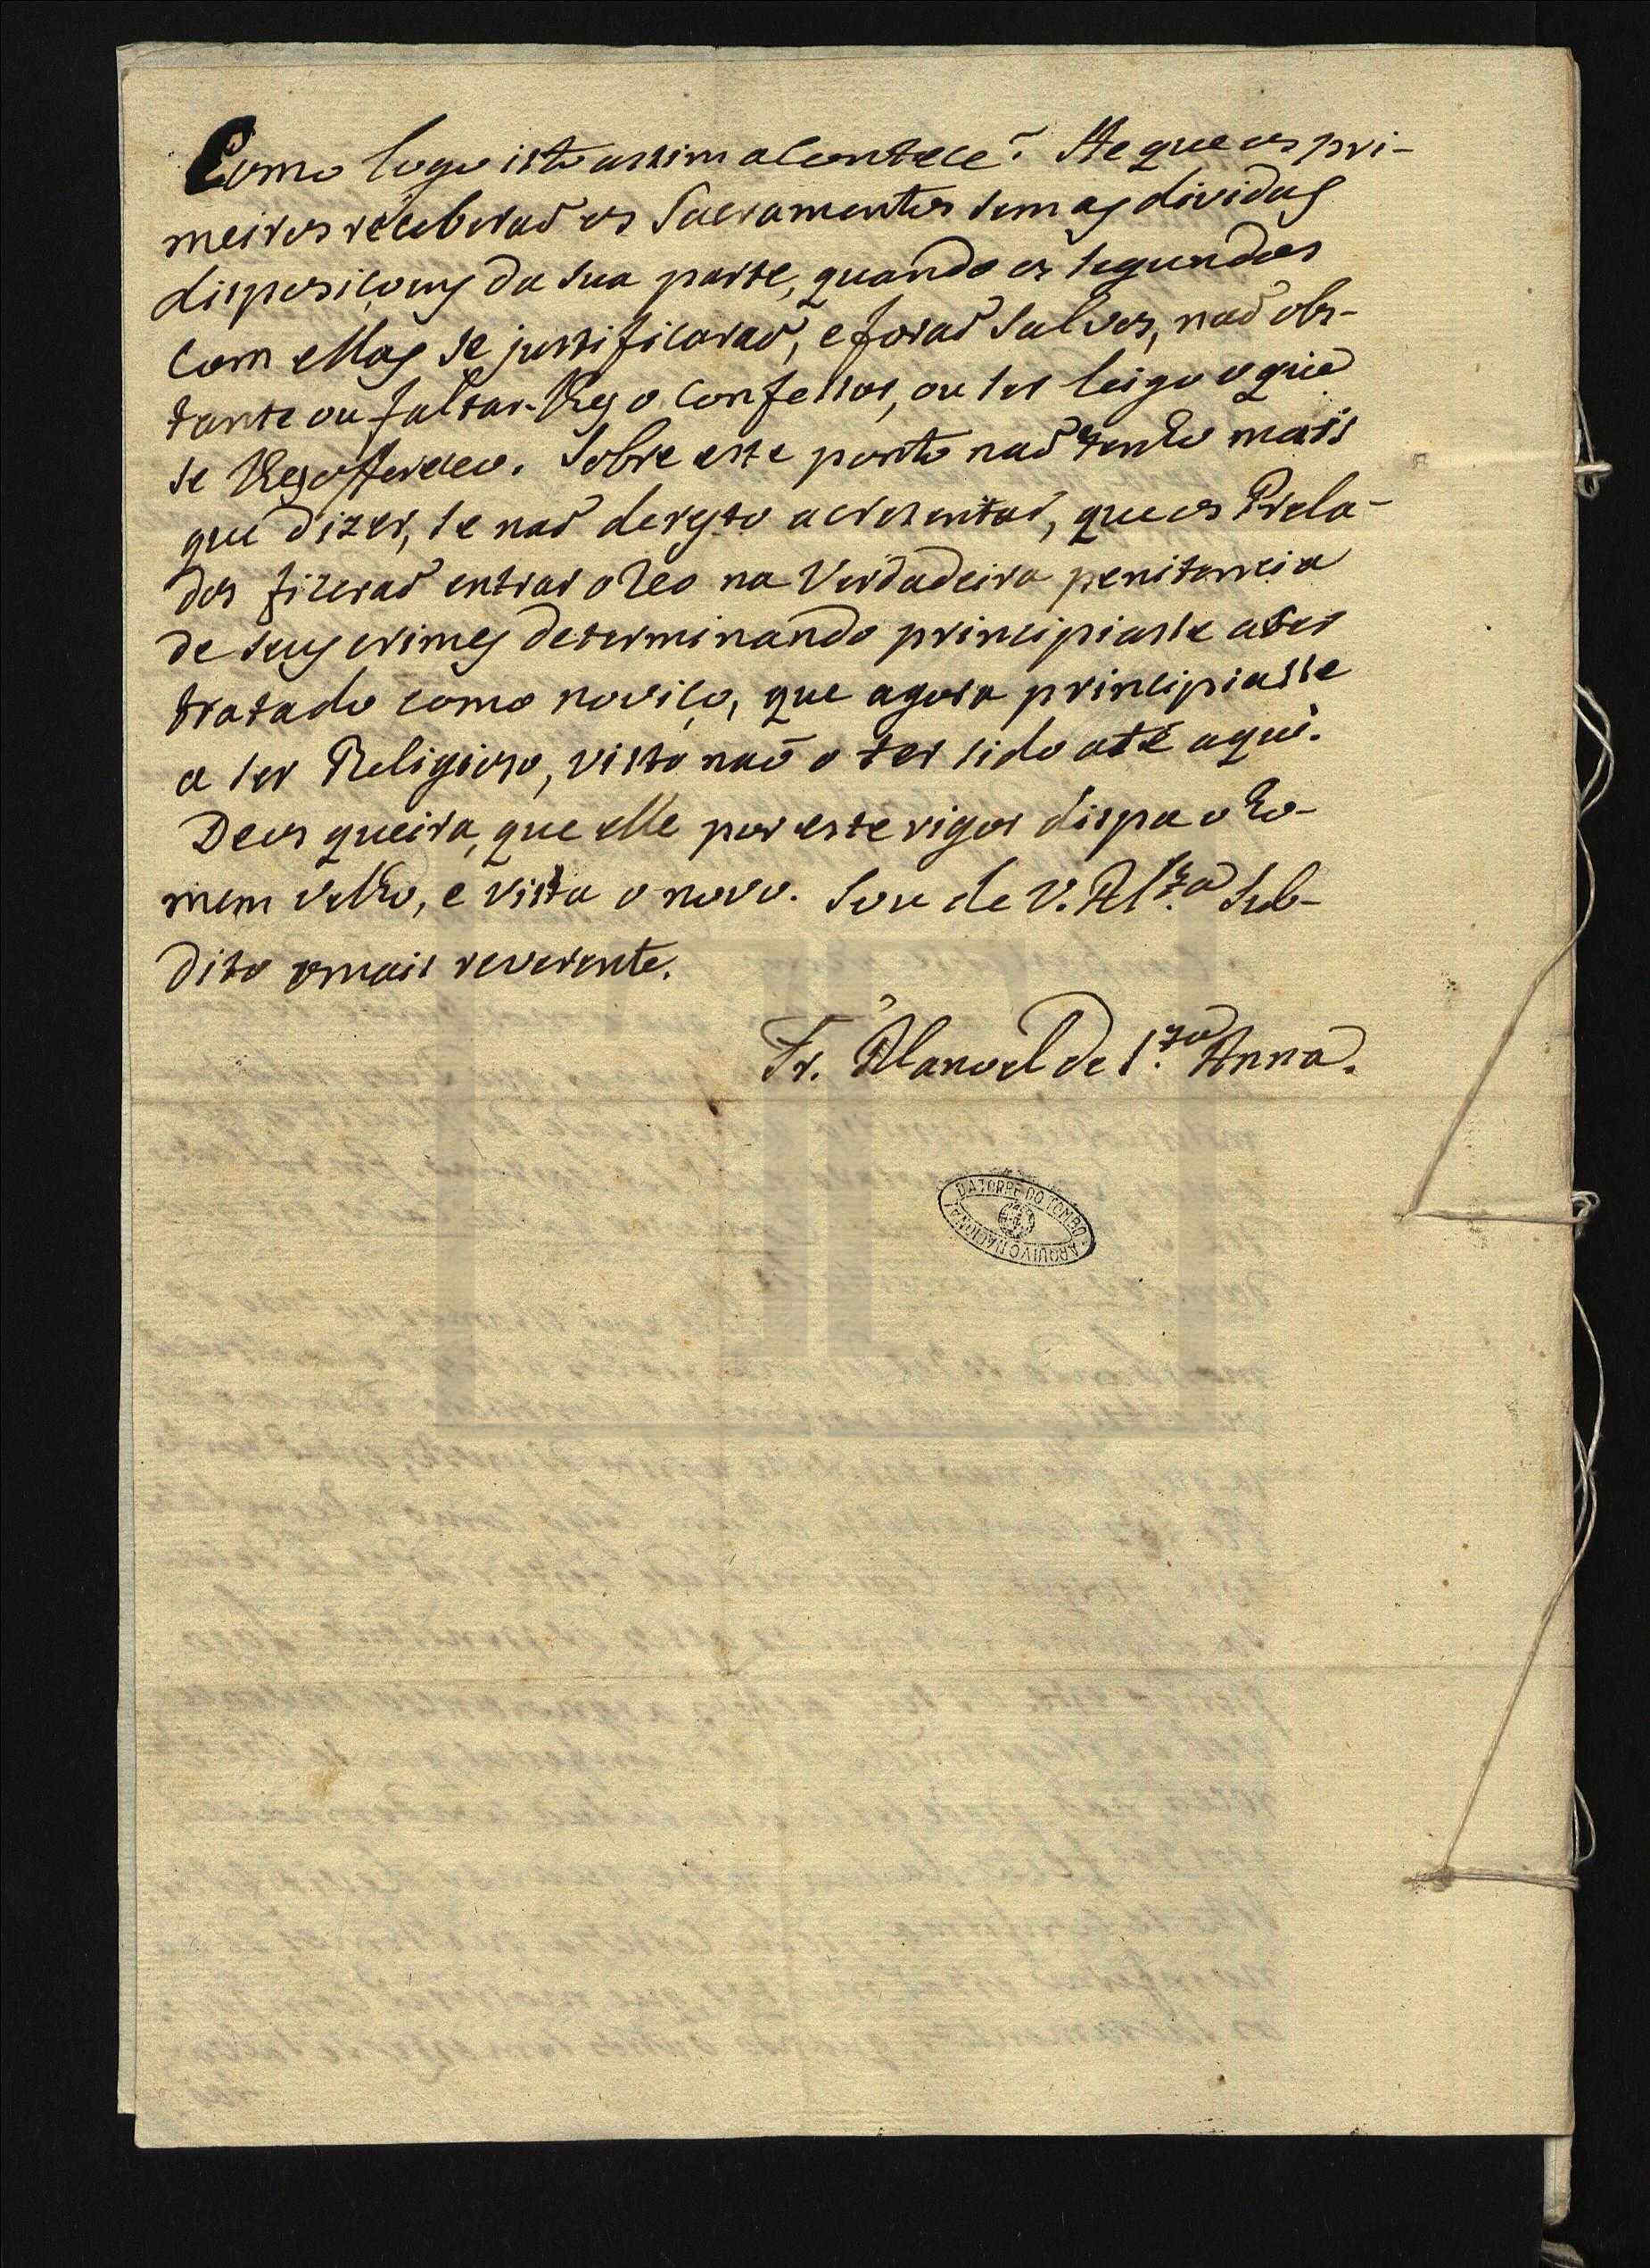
Como logo isto assim acontece? He que os pri
meiros receberaõ os sacramentos sem as dividas
disposiçoens da sua parte, quando os segundos
com ellas se justificaraõ, e foraõ salvos, naõ obs
tante ou faltar-lhes o confessor, ou ser leigo o que
se lhes offereceo. sobre este ponto naõ tenho mais
que dizer, se naõ de resto acrezentar, que os Prela
dos fizeraõ entrar o Reo na Verdadeira penitencia
de seus crimes determinando principiasse a ter
tratado como noviço, que agora principiasse
a ser Religioso, visto naõ o ter sido até aqui.
Deos queira, que elle por este rigor dispa o ho
mem velho, e vista o novo. sou de V. Al.za Sub
dito o mais reverente.
Fr. Manoel de S.ta Anna.
